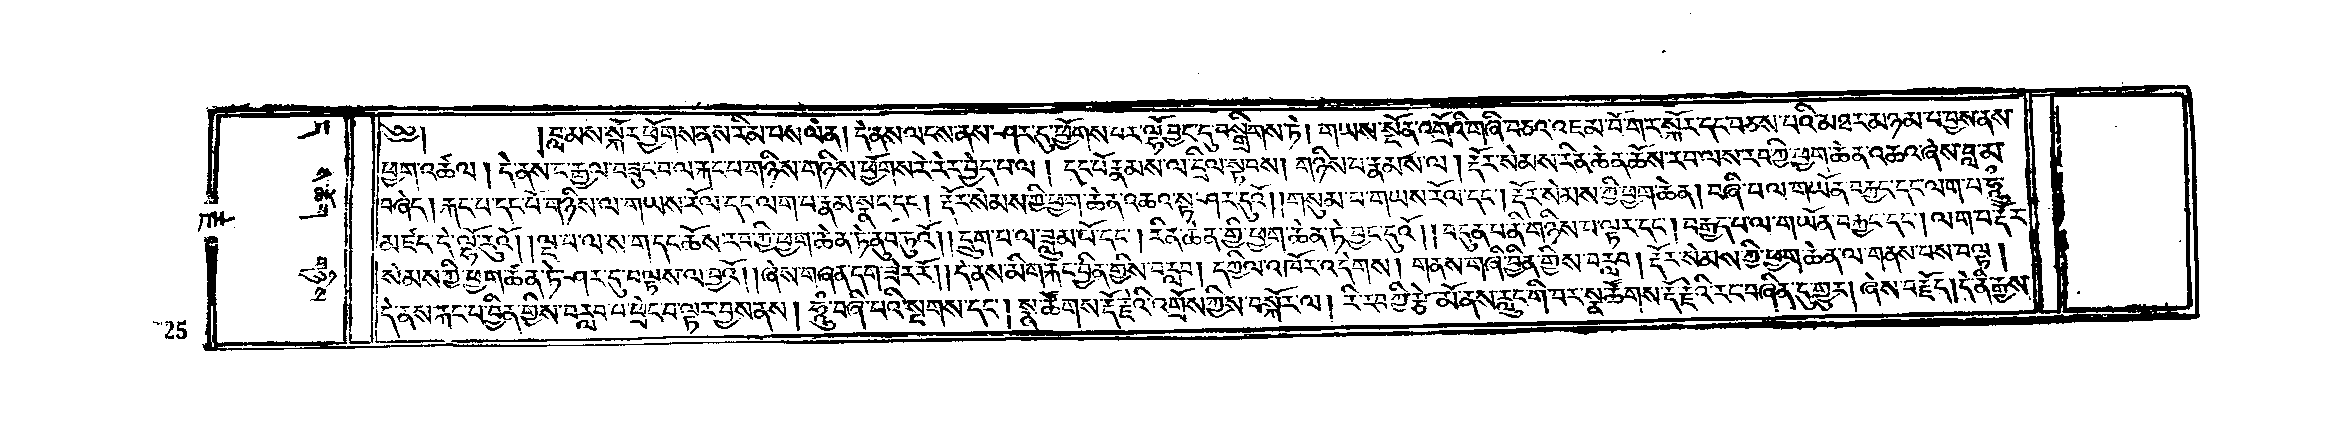༄༅། །བླ་མས་སྐོར་ཕྱོགས་ནས་རིམ་པས་ལེན། དེ་ནས་ལངས་ནས་ཤར་དུ་ཕྱོགས་པར་ལྷོ་བྱང་དུ་བསྒྲིགས་ཏེ། གཡས་སྔོན་འགྲོའི་གཞི་བཅའ་འཇམ་པོ་གར་སྐོར་དང་བཅས་པའི་མཐར་མཉམ་པ་བྱས་ནས་
ཕྱག་འཚལ། དེ་ནས་ང་རྒྱལ་བཟུང་བ་ལ་རྐང་པ་གཉིས་གཉིས་ཕྱོགས་རེ་རེར་བྱེད་པ་ལ། དང་པོ་རྣམས་ལ་དྲིལ་སྟབས། གཉིས་པ་རྣམས་ལ། རྡོར་སེམས་རིན་ཆེན་ཆོས་རབ་ལས་རབ་ཀྱི་ཕྱག་ཆེན་འཆའ་ཞེས་བླ་མ་
བཞེད། རྐང་པ་དང་པོ་གཉིས་ལ་གཡས་རོལ་དང་ལག་པ་རྣམ་སྣང་དང་། རྡོར་སེམས་ཀྱི་ཕྱག་ཆེན་འཆའ་སྟ་ཤར་དུའོ། །གསུམ་པ་གཡས་རོལ་དང་། རྡོར་སེམས་ཀྱི་ཕྱག་ཆེན། བཞི་པ་ལ་གཡོན་བརྐྱང་དང་ལག་པ་ཧཱུཾ་
མཛད་དེ་ལྷོ་རུའོ། །ལྔ་པ་ལ་ས་ག་དང་ཆོས་རབ་ཀྱི་ཕྱག་ཆེན་ཏེ་ནུབ་ཏུའོ། །དྲུག་པ་ལ་ཟླུམ་པོ་དང་། རིན་ཆེན་གྱི་ཕྱག་ཆེན་ཏེ་བྱང་དུའོ། །བདུན་པ་ནི་གཉིས་པ་ལྟར་དང་། བརྒྱད་པ་ལ་གཡོན་བརྐྱང་དང་། ལག་པ་རྡོར་
སེམས་ཀྱི་ཕྱག་ཚན་ཏེ་ཤར་དུ་བལྟས་ལ་བྱའོ། །ཞེས་གཞན་དག་ཟེར་རོ། །དེ་ནས་མིག་རྐང་བྱིན་གྱིས་བརླབ། དཀྱིལ་འཁོར་འདེགས། གནས་གཞི་བྱིན་གྱིས་བརླབ། རྡོར་སེམས་ཀྱི་ཕྱག་ཆེན་ལ་གནས་པས་བལྟ།
དེ་ནས་རྐང་པ་བྱིན་གྱིས་བརླབ་པ་ཕྲེང་བ་ལྟར་བྱས་ནས། ཧཱུཾ་བཞི་པའི་སྔགས་དང་། སྣ་ཚོགས་རྡོ་རྗེའི་འགྲོས་ཀྱིས་བསྐོར་ལ། རི་རབ་ཀྱི་རྩེ་མོ་ནས་རླུང་གི་བར་སྣ་ཚོགས་རྡོ་རྗེའི་རང་བཞིན་དུ་གྱུར། ཞེས་བརྗོད། དེ་ནི་རྒྱས་